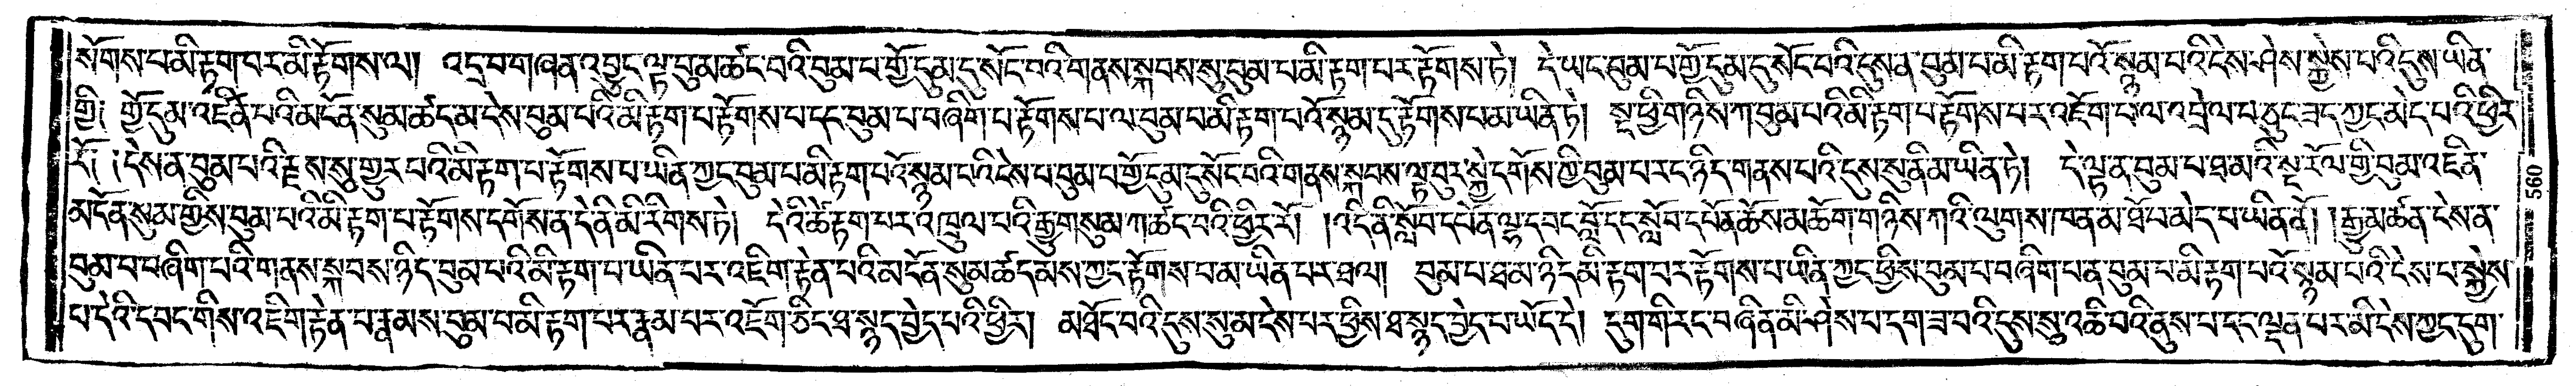སོགས་པ་མི་རྟག་པར་མི་རྟོགས་ལ། འདྲ་བ་གཞན་འབྱུང་ལྟ་བུ་མ་ཚང་བའི་བུམ་པ་གྱོ་དུམ་དུ་སོང་བའི་གནས་སྐབས་སུ་བུམ་པ་མི་རྟག་པར་རྟོགས་ཏེ། དེ་ཡང་བུམ་པ་གྱོ་དུམ་དུ་སོང་བའི་དུས་ན་བུམ་པ་མི་རྟག་པའོ་སྙམ་པའི་ངེས་ཤེས་སྐྱེས་པའི་དུས་ཡིན་
གྱི། གྱོ་དུམ་འཛིན་པའི་མངོན་སུམ་ཚད་མ་དེས་བུམ་པའི་མི་རྟག་པ་རྟོགས་པ་དང་བུམ་པ་བཞིག་པ་རྟོགས་པ་ལ་བུམ་པ་མི་རྟག་པའོ་སྙམ་དུ་རྟོགས་པ་མ་ཡིན་ཏེ། སྔ་ཕྱི་གཉིས་ཀ་བུམ་པའི་མི་རྟག་པ་རྟོགས་པར་འཇོག་པ་ལ་འབྲེལ་པ་ཅུང་ཟད་ཀྱང་མེད་པའི་ཕྱིར་
རོ། །དེས་ན་བུམ་པའི་རྗེས་སུ་གྱུར་པའི་མི་རྟག་པ་རྟོགས་པ་ཡིན་ཀྱང་བུམ་པ་མི་རྟག་པའོ་སྙམ་པའི་ངེས་པ་བུམ་པ་གྱོ་དུམ་དུ་སོང་བའི་གནས་སྐབས་ལྟ་བུར་སྐྱེ་དགོས་ཀྱི་བུམ་པ་རང་ཉིད་གནས་པའི་དུས་སུ་ནི་མ་ཡིན་ཏེ། དེ་ལྟ་ན་བུམ་པ་ཐ་མའི་སྔ་རོལ་གྱི་བུམ་འཛིན་
མངོན་སུམ་གྱིས་བུམ་པའི་མི་རྟག་པ་རྟོགས་དགོས་ན་དེ་ནི་མི་རིགས་ཏེ། དེའི་ཚེ་རྟག་པར་འཁྲུལ་བའི་རྒྱུ་གསུམ་ཀ་ཚང་བའི་ཕྱིར་རོ། །འདི་ནི་སློབ་དཔོན་ལྷ་དབང་བློ་དང་སློབ་དཔོན་ཆོས་མཆོག་གཉིས་ཀའི་ལུགས་ཁ་ན་མ་ཐོབ་མེད་པ་ཡིན་ནོ། །རྒྱུ་མཚན་ངེས་ན་
བུམ་པ་བཞིག་པའི་གནས་སྐབས་ཉིད་བུམ་པའི་མི་རྟག་པ་ཡིན་པར་འཇིག་རྟེན་པའི་མངོན་སུམ་ཚད་མས་ཀྱང་རྟོགས་པ་མ་ཡིན་པར་ཐལ། བུམ་པ་ཐ་མ་ཉིད་མི་རྟག་པར་རྟོགས་པ་ཡིན་ཀྱང་ཕྱིས་བུམ་པ་བཞིག་པ་ན་བུམ་པ་མི་རྟག་པའོ་སྙམ་པའི་ངེས་པ་སྐྱེས་
པ་དེའི་དབང་གིས་འཇིག་རྟེན་པ་རྣམས་བུམ་པ་མི་རྟག་པར་རྣམ་པར་འཇོག་ཅིང་ཐ་སྙད་བྱེད་པའི་ཕྱིར། མཐོང་བའི་དུས་སུ་མ་ངེས་པར་ཕྱིས་ཐ་སྙད་བྱེད་པ་ཡོད་དེ། དུག་གི་རང་བཞིན་མི་ཤེས་པ་དག་ཟ་བའི་དུས་སུ་འཆི་བའི་ནུས་པ་དང་ལྡན་པར་མི་ངེས་ཀྱང་དུག་